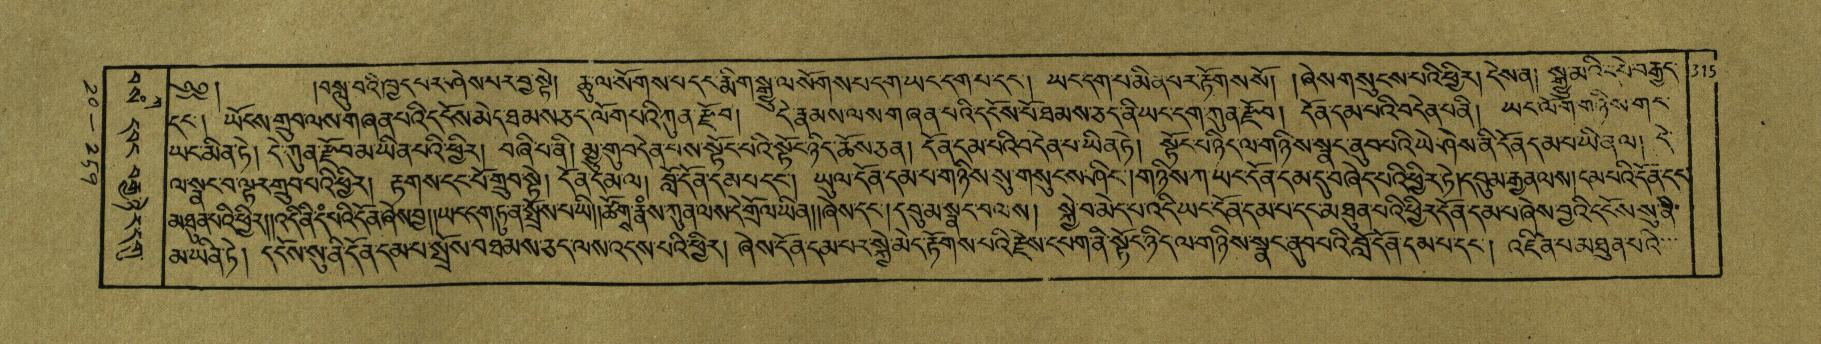༄༅། །བསླུ་བའི་ཁྱད་པར་ཤེས་པར་བྱ་སྟེ། ཆུ་ལ་སོགས་པ་དང་རྨིག་སྒྱུ་ལ་སོགས་པ་དག་ཡང་དག་པ་དང་། ཡང་དག་པ་མིན་པར་རྟོགས་སོ། །ཞེས་གསུངས་པའི་ཕྱིར། དེས་ན། སྒྱུ་མའི་དཔེ་བརྒྱད་
དང་། ཡོངས་གྲུབ་ལས་གཞན་པའི་དངོས་མེད་ཐམས་ཅད་ལོག་པའི་ཀུན་རྫོབ། དེ་རྣམས་ལས་གཞན་པའི་དངོས་པོ་ཐམས་ཅད་ནི་ཡང་དག་ཀུན་རྫོབ། དོན་དམ་པའི་བདེན་པ་ནི། ཡང་ལོག་གཉིས་གང་
ཡང་མིན་ཏེ། དེ་ཀུན་རྫོབ་མ་ཡིན་པའི་ཕྱིར། བཞི་པ་ནི། མྱུ་གུ་བདེན་པས་སྟོང་པའི་སྟོང་ཉིད་ཆོས་ཅན། དོན་དམ་པའི་བདེན་པ་ཡིན་ཏེ། སྟོང་པ་ཉིད་ལ་གཉིས་སྣང་ནུབ་པའི་ཡེ་ཤེས་ནི་དོན་དམ་པ་ཡིན་ལ། དེ་
ལ་སྣང་བ་ལྟར་གྲུབ་པའི་ཕྱིར། རྟགས་དང་པོ་གྲུབ་སྟེ། དོན་དམ་ལ། བློ་དོན་དམ་པ་དང་། ཡུལ་དོན་དམ་པ་གཉིས་སུ་གསུངས་ཤིང་། གཉིས་ཀ་ཡང་དོན་དམ་དུ་བཞེད་པའི་ཕྱིར་ཏེ། དབུ་མ་རྒྱན་ལས། དམ་པའི་དོན་དང་
མཐུན་པའི་ཕྱིར། །འདི་ནི་དཾ་པའི་དོན་ཞེས་བྱ། །ཡང་དག་ཏུ་ན་སྤྲོས་པ་ཡི། །ཚོགས་རྣཾས་ཀུན་ལས་དེ་གྲོལ་ཡིན། །ཞེས་དང་། དབུ་མ་སྣང་བ་ལས། སྐྱེ་བ་མེད་པ་འདི་ཡང་དོན་དམ་པ་དང་མཐུན་པའི་ཕྱིར་དོན་དམ་པ་ཞེས་བྱའི་དངོས་སུ་ནི་
མ་ཡིན་ཏེ། དངོས་སུ་ནི་དོན་དམ་པ་སྤྲོས་བ་ཐམས་ཅད་ལས་འདས་པའི་ཕྱིར། ཞེས་དོན་དམ་པར་སྐྱེ་མེད་རྟོགས་པའི་རྗེས་དཔག་ནི་སྟོང་ཉིད་ལ་གཉིས་སྣང་ནུབ་པའི་བློ་དོན་དམ་པ་དང་། འཛིན་པ་མཐུན་པའི་